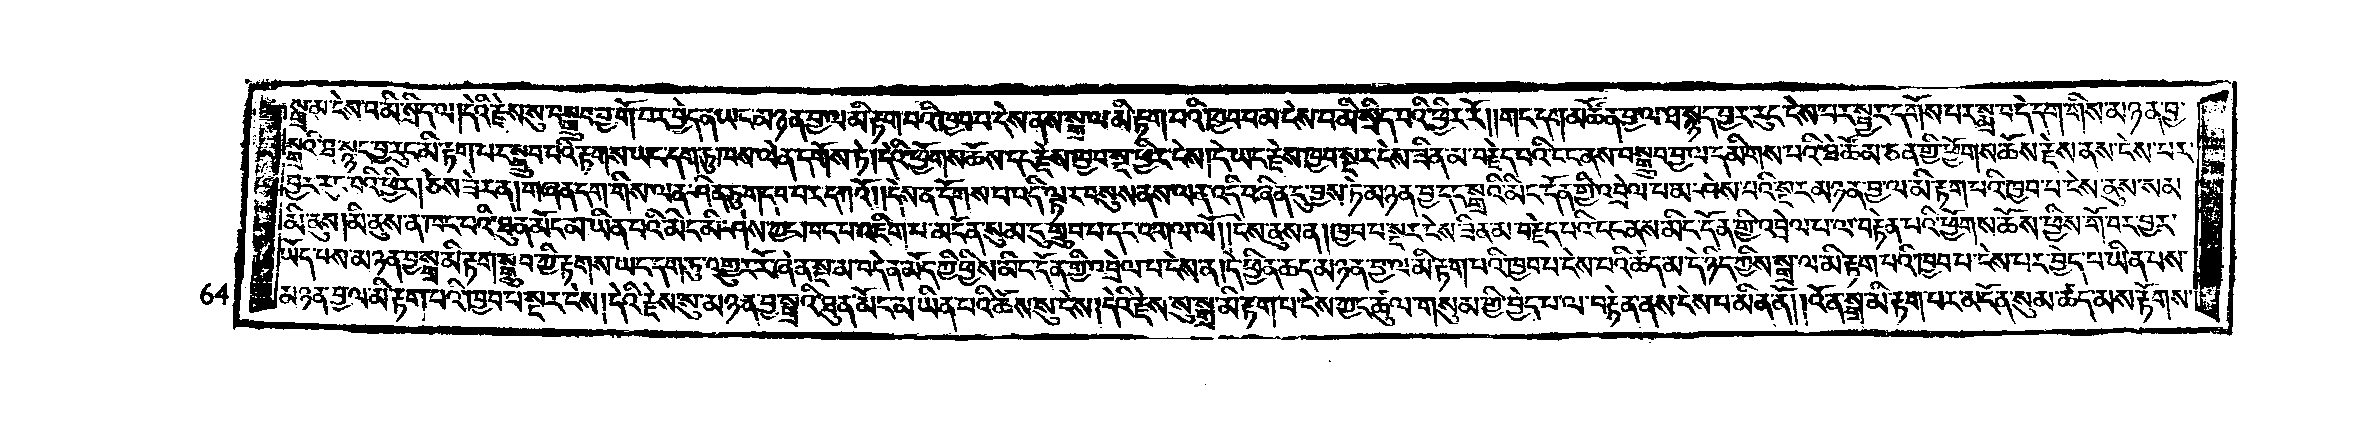སྒྲ་མ་ངེས་པ་མི་སྲིད་ལ། དེའི་རྗེས་སུ་བསྒྲུབ་བྱ་གོ་བར་བྱེད་ན་ཡང་མཉན་བྱ་ལ་མི་རྟག་པའི་ཁྱབ་པ་དེས་ནས་སྒྲ་ལ་མི་རྟག་པའི་ཁྱབ་པ་མ་ངེས་པ་མི་སྲིད་པའི་ཕྱིར་རོ། །གང་དག་མཚོན་བྱ་ལ་ཐ་སྙད་བྱར་རུང་ངེས་པར་སྦྱར་དགོས་པར་སྨྲ་བ་དེ་དག་གིས་མཉན་བྱ་
སྒྲའི་ཐ་སྙད་བྱ་རུང་མི་རྟག་པར་སྒྲུབ་པའི་རྟགས་ཡང་དག་ཏུ་ཁས་ལེན་དགོས་ཏེ། དེའི་ཕྱོགས་ཆོས་དང་རྗེས་ཁྱབ་སྔ་ཕྱིར་ངེས། དེ་ཡང་རྗེས་ཁྱབ་སྔར་ངེས་ཟིན་མ་བརྗེད་པའི་ངང་ནས་བསྒྲུབ་བྱ་ལ་དམིགས་པའི་ཐེ་ཚོམ་ཅན་གྱི་ཕྱོགས་ཆོས་རྗེས་ནས་ངེས་པར་
བྱར་རུང་བའི་ཕྱིར། ཅེས་ཟེར་ན། གཞན་དག་གིས་ལན་ཤིན་ཏུ་གདབ་པར་དཀའོ། །དེས་ན་དོགས་པ་འདི་ལྟར་བསུས་ནས་ལན་འདི་བཞིན་དུ་བྱས་ཏེ་མཉན་བྱ་དང་སྒྲའི་མིང་དོན་གྱི་འབྲེལ་པ་མ་ཤེས་པའི་སྔར་མཉན་བྱ་ལ་མི་རྟག་པའི་ཁྱབ་པ་ངེས་ནུས་སམ་
མི་ནུས། མི་ནུས་ན་ཁང་པའི་ཐུན་མོང་མ་ཡིན་པའི་མིང་མི་ཤེས་ཀྱང་ཁང་པ་འཇིག་པ་མངོན་སུམ་དུ་གྲུབ་པ་དང་འགལ་ལོ། །ངེས་ནུས་ན། ཁྱབ་པ་སྔར་ངེས་ཟིན་མ་བརྗེད་པའི་ངང་ནས་མིང་དོན་གྱི་འབྲེལ་པ་ལ་བརྟེན་པའི་ཕྱོགས་ཆོས་ཕྱིས་གོ་བར་བྱར་
ཡོད་པས་མཉན་བྱ་སྒྲ་མི་རྟག་སྒྲུབ་ཀྱི་རྟགས་ཡང་དག་ཏུ་འགྱུར་རོ་ཞེ་ན་སྔ་མ་བདེན་མོད་ཀྱི་ཕྱིས་མིང་དོན་གྱི་འབྲེལ་པ་ངེས་ན། དེ་ཕྱིན་ཆད་མཉན་བྱ་ལ་མི་རྟག་པའི་ཁྱབ་པ་ངེས་པའི་ཚད་མ་དེ་ཉིད་ཀྱིས་སྒྲ་ལ་མི་རྟག་པའི་ཁྱབ་པ་ངེས་པར་བྱེད་པ་ཡིན་པས་
མཉན་བྱ་ལ་མི་རྟག་པའི་ཁྱབ་པ་སྔར་ངེས། དེའི་རྗེས་སུ་མཉན་བྱ་སྒྲའི་ཐུན་མོང་མ་ཡིན་པའི་ཆོས་སུ་ངེས། དེའི་རྗེས་སུ་སྒྲ་མི་རྟག་པ་ངེས་ཀྱང་ཚུལ་གསུམ་གྱི་བྱེད་པ་ལ་བརྟེན་ནས་ངེས་པ་མིན་ནོ། །འོ་ན་སྒྲ་མི་རྟག་པར་མངོན་སུམ་ཚད་མས་རྟོགས་